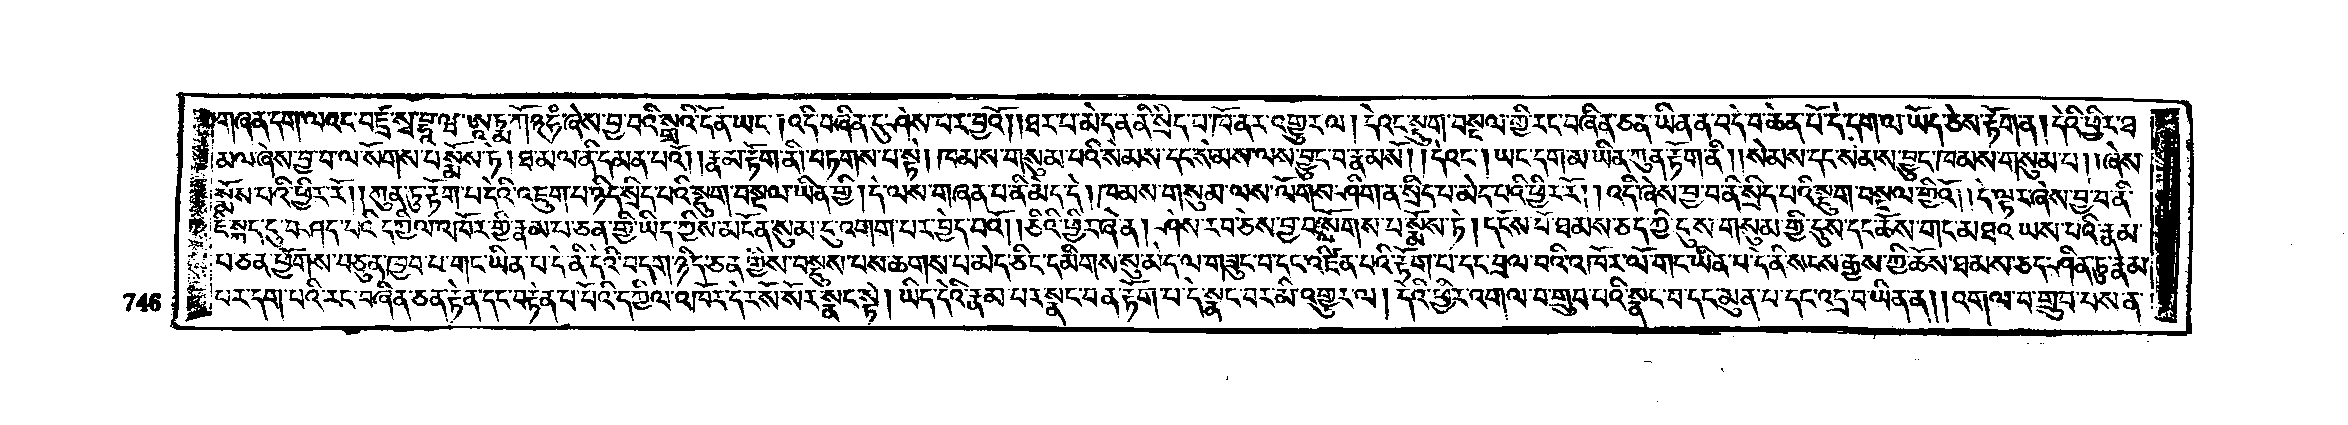གཞན་དག་ལའང་བཛྲ་སྭ་བྷཱ་ཝ་ཨཱ་ཏྨ་ཀོ་ཉ་ཧཾ་ཞེས་བྱ་བའི་སྒྲའི་དོན་ཡང་། འདི་བཞིན་དུ་ཤེས་པར་བྱའོ། །ཐར་པ་མེད་ན་ནི་སྲིད་པ་ཁོ་ནར་འགྱུར་ལ། དེའང་སྡུག་བསྔལ་གྱི་རང་བཞིན་ཅན་ཡིན་ན་བདེ་བ་ཆེན་པོ་དེ་དག་ལ་ཡོད་ཅེས་རྟོག་ན། དེའི་ཕྱིར་ཐ་
མལ་ཞེས་བྱ་བ་ལ་སོགས་པ་སྨོས་ཏེ། ཐ་མལ་ནི་དམན་པའོ། །རྣམ་རྟོག་ནི། བཏགས་པ་སྟེ། ཁམས་གསུམ་པའི་སེམས་དང་སེམས་ལས་བྱུང་བ་རྣམས་སོ། །དེའང་། ཡང་དག་མ་ཡིན་ཀུན་རྟོག་ནི། །སེམས་དང་སེམས་བྱུང་ཁམས་གསུམ་པ། །ཞེས་
སྨོས་པའི་ཕྱིར་རོ། །ཀུན་ཏུ་རྟོག་པ་དེའི་འཇུག་པ་ཉིད་སྲིད་པའི་སྡུག་བསྔལ་ཡིན་གྱི། དེ་ལས་གཞན་པ་ནི་མེད་དེ། ཁམས་གསུམ་ལས་ལོགས་ཤིག་ན་སྲིད་པ་མེད་པའི་ཕྱིར་རོ། །འདི་ཞེས་བྱ་བ་ནི་སྲིད་པའི་སྡུག་བསྔལ་ཀྱིའོ། །དེ་ལྟར་ཞེས་བྱ་བ་ནི་
ཇི་སྐད་དུ་བཤད་པའི་དཀྱིལ་འཁོར་གྱི་རྣམ་པ་ཅན་གྱི་ཡིད་ཀྱིས་མངོན་སུམ་དུ་འགག་པར་བྱེད་པའོ། །ཅིའི་ཕྱིར་ཞེ་ན། ཤེས་རབ་ཅེས་བྱ་བ་ལ་སོགས་པ་སྨོས་ཏེ། དངོས་པོ་ཐམས་ཅད་ཀྱི་དུས་གསུམ་གྱི་དུས་དང་ཆོས་གང་མཐའ་ཡས་པའི་རྣམ་
པ་ཅན་ཕྱོགས་བཅུ་ན་ཁྱབ་པ་གང་ཡིན་པ་དེ་ནི་དེའི་བདག་ཉིད་ཅན་གྱིས་བསྡུས་པས་ཆགས་པ་མེད་ཅིང་དམིགས་སུ་མེད་ལ་གཟུང་བ་དང་འཛིན་པའི་རྟོག་པ་དང་བྲལ་བའི་འཁོར་ལོ་གང་ཡིན་པ་དེ་ནི་སངས་རྒྱས་ཀྱི་ཆོས་ཐམས་ཅད་ཤིན་ཏུ་རྣམ་
པར་དག་པའི་རང་བཞིན་ཅན་རྟེན་དང་བརྟེན་པ་པོའི་དཀྱིལ་འཁོར་དེར་སོ་སོར་སྣང་སྟེ། ཡིད་དེའི་རྣམ་པར་སྣང་བ་ན་རྟག་པ་དེ་སྣང་བར་མི་འགྱུར་ལ། དེའི་ཕྱིར་འགལ་བ་གྲུབ་པའི་སྣང་བ་དང་མུན་པ་དང་འདྲ་བ་ཡིན་ན། །འགལ་བ་གྲུབ་པས་ན་